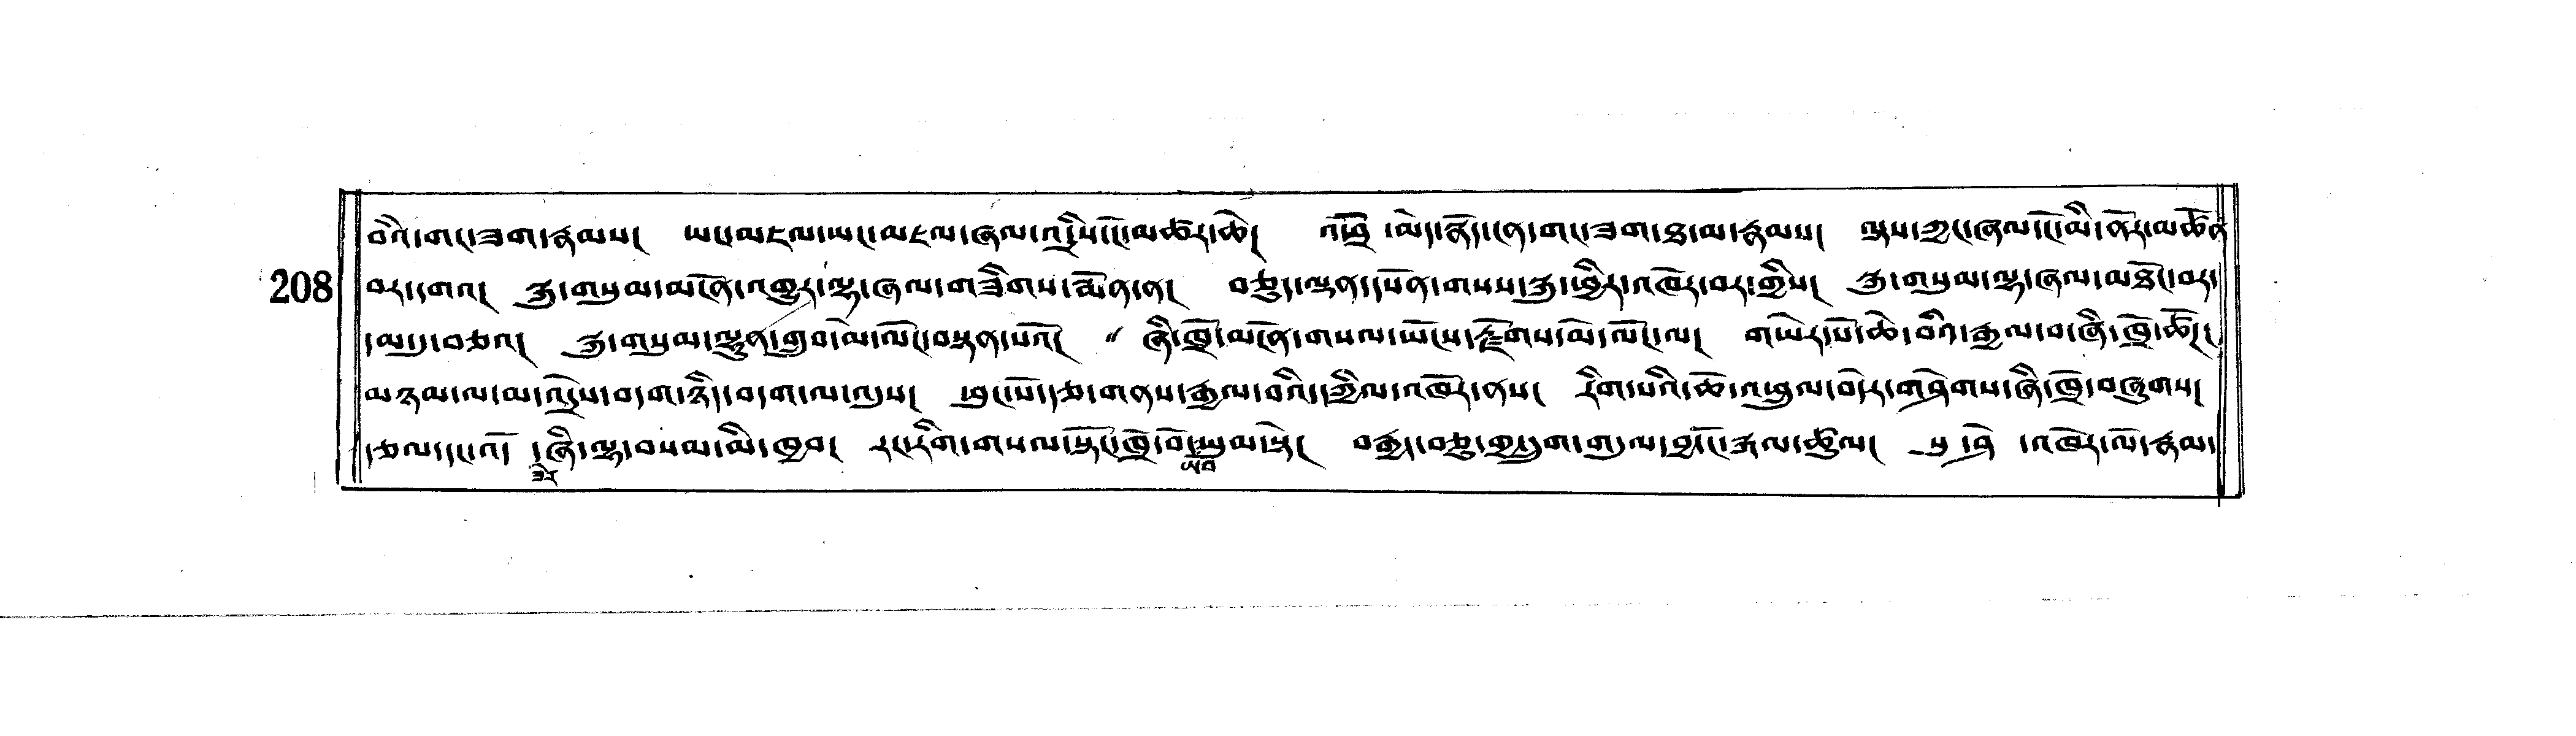བའི་གང་ཟག་རྣམས། ཡང་མཇལ་ཡང་མཇལ་ཞལ་འདྲིས་ངོ་མཚར་ཆེ། འཕྲོ་མེད་སྣོད་ངན་གང་ཟག་ཐ་མ་རྣམས། བལྟས་ཀྱང་ཞལ་ངོ་མི་ནོར་མཚོན་
པར་དགའ། སྐུ་གསུམ་མངོན་གྱུར་ལྷ་ཞལ་གཟིགས་སྨོན་ན། བཅུད་ལྡན་དཔོན་གསས་སྐུ་ཕྱིར་འཁོར་བར་གྱིས། སྐུ་གསུམ་ལྷ་ཞལ་མཐོང་བར་
དམ་དུ་བཅའ། སྐུ་གསུམ་ལྷུན་གྲུབ་མེ་ལོང་བསྟན་པའོ། ༧ ཞི་ཁྲོ་མངོན་གསལ་ཡོངས་རྫོགས་མེ་ལོང་ལ། གཡེར་པོ་ཆེ་བའི་རྒྱལ་བ་ཞི་ཁྲོ་ཚོགས། 
མཉམ་ལ་མ་འདྲེས་བདག་ཉིད་བདག་ལ་འདུས། ཕུང་པོ་རྩ་གནས་རྒྱལ་བའི་དཀྱིལ་འཁོར་ནས། རིག་པའི་ཆོ་འཕྲུལ་བདེར་གཤེགས་ཞི་ཁྲོ་བཞུགས། 
རྩལ་དང་འོད་ཟེར་ཞི་ལྷ་བསམ་མི་ཁྱབ། རང་རིག་གསལ་སྟོང་ཁྲོ་བོ་ཡབ་ཡུམ་སྟེ། བརྒྱད་ཅུ་གྱ་དྲུག་གདུལ་བྱ་ངོ་སྐལ་ཚུལ། པུ་ཤེ་འཁོར་ལོ་རྣམ་